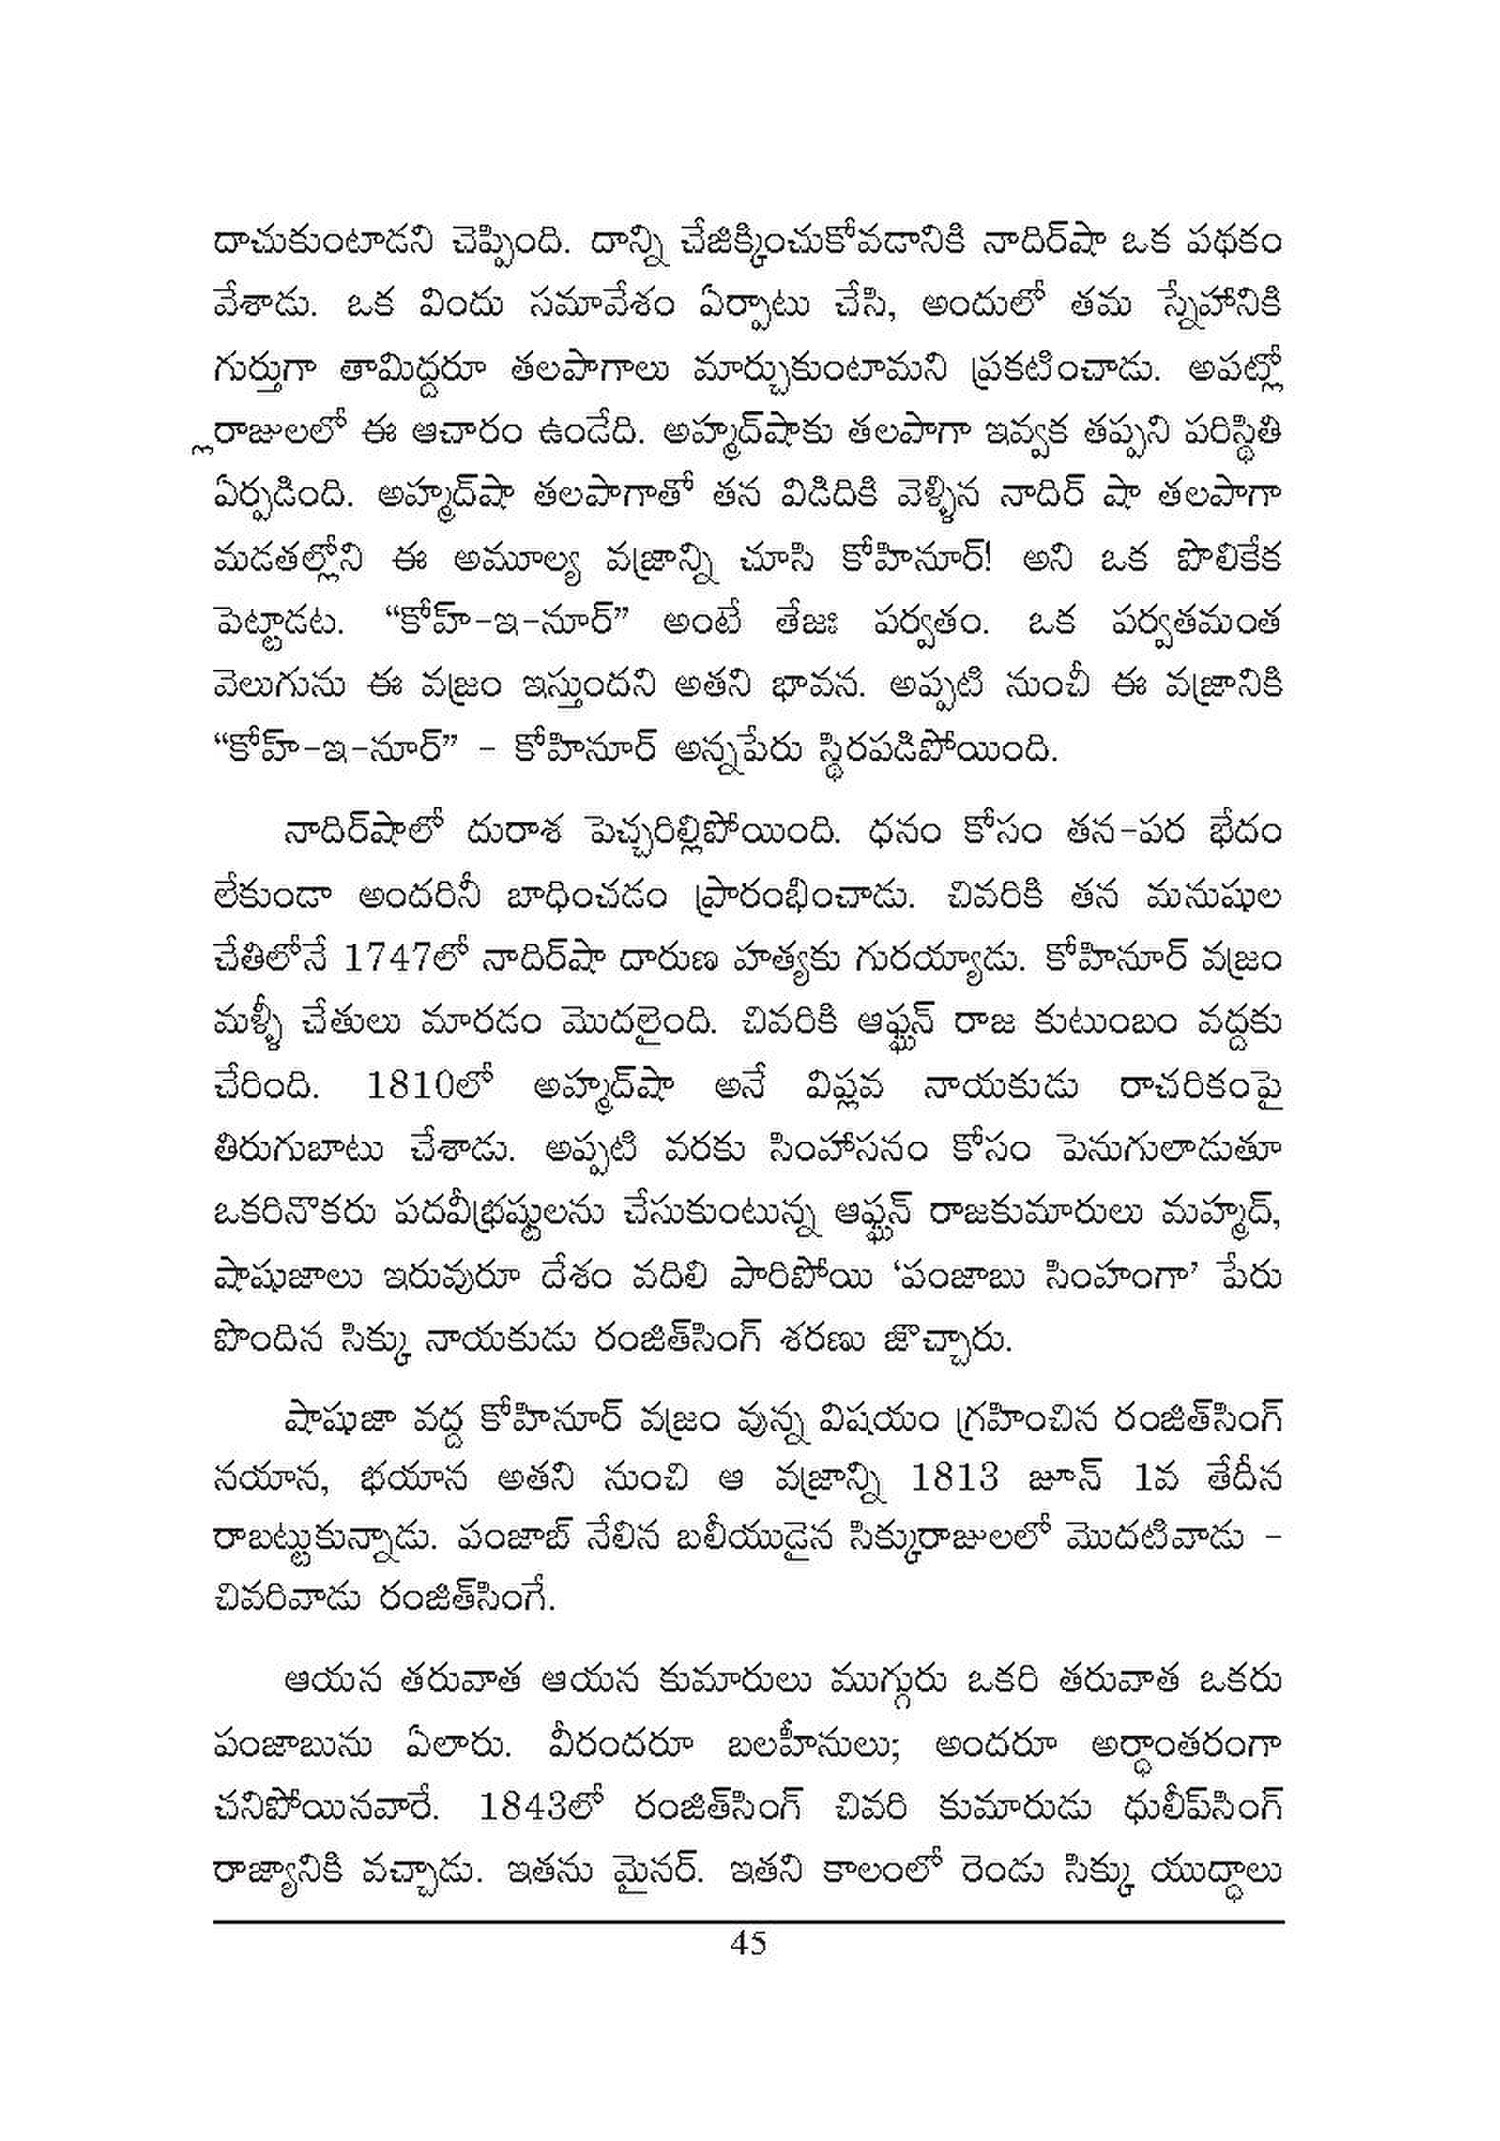దాచుకుంటాడని చెప్పింది. దాన్ని చేజిక్కించుకోవడానికి నాదిర్షా ఒక పథకం వేశాడు. ఒక విందు సమావేశం ఏర్పాటు చేసి, అందులో తమ స్నేహానికి గుర్తుగా తామిద్దరూ తలపాగాలు మార్చుకుంటామని ప్రకటించాడు. అప్పట్లో రాజులలో ఈ ఆచారం ఉండేది. అహ్మద్షాకు తలపాగా ఇవ్వక తప్పని పరిస్థితి ఏర్పడింది. అహ్మద్షా తలపాగాతో తన విడిదికి వెళ్ళిన నాదిర్ షా తలపాగా మడతల్లోని ఈ అమూల్య వజ్రాన్ని చూసి కోహినూర్ అని ఒక పొలికేక పెట్టాడట. "కోహ్-ఇ-నూర్" అంటే తేజః పర్వతం. ఒక పర్వతమంత వెలుగును ఈ వజ్రం ఇస్తుందని అతని భావన. అప్పటి నుంచీ ఈ వజ్రానికి "కోహ్-ఇ-నూర్" - కోహినూర్ అన్నపేరు స్థిరపడిపోయింది.

నాదిర్షాలో దురాశ పెచ్చరిల్లిపోయింది. ధనం కోసం తన-పర భేదం లేకుండా అందరినీ బాధించడం ప్రారంభించాడు. చివరికి తన మనుషుల చేతిలోనే 1747లో నాదిర్షా దారుణ హత్యకు గురయ్యాడు. కోహినూర్ వజ్రం మళ్ళీ చేతులు మారడం మొదలైంది. చివరికి ఆఫ్ఘన్ రాజ కుటుంబం వద్దకు చేరింది. 1810లో అహ్మద్షా అనే విప్లవ నాయకుడు రాచరికంపై తిరుగుబాటు చేశాడు. అప్పటి వరకు సింహాసనం కోసం పెనుగులాడుతూ ఒకరినొకరు పదవీభ్రష్టులను చేసుకుంటున్న ఆఫ్ఘన్ రాజకుమారులు మహ్మద్ షాషుజాలు ఇరువురూ దేశం వదిలి పారిపోయి 'పంజాబు సింహంగా పేరు పొందిన సిక్కు నాయకుడు రంజిత్సింగ్ శరణు జొచ్చారు.

షాషుజా వద్ద కోహినూర్ వజ్రం వున్న విషయం గ్రహించిన రంజిత్సింగ్ నయాన, భయాన అతని నుంచి ఆ వజ్రాన్ని 1813 జూన్ 1వ తేదీన రాబట్టుకున్నాడు. పంజాబ్ నేలిన బలీయుడైన సిక్కురాజులలో మొదటివాడు - చివరివాడు రంజిత్సింగే.

ఆయన తరువాత ఆయన కుమారులు ముగ్గురు ఒకరి తరువాత ఒకరు పంజాబును ఏలారు. వీరందరూ బలహీనులు; అందరూ అర్ధాంతరంగా చనిపోయినవారే. 1843లో రంజిత్సింగ్ చివరి కుమారుడు ధులీప్సింగ్ రాజ్యానికి వచ్చాడు. ఇతను మైనర్. ఇతని కాలంలో రెండు సిక్కు యుద్దాలు